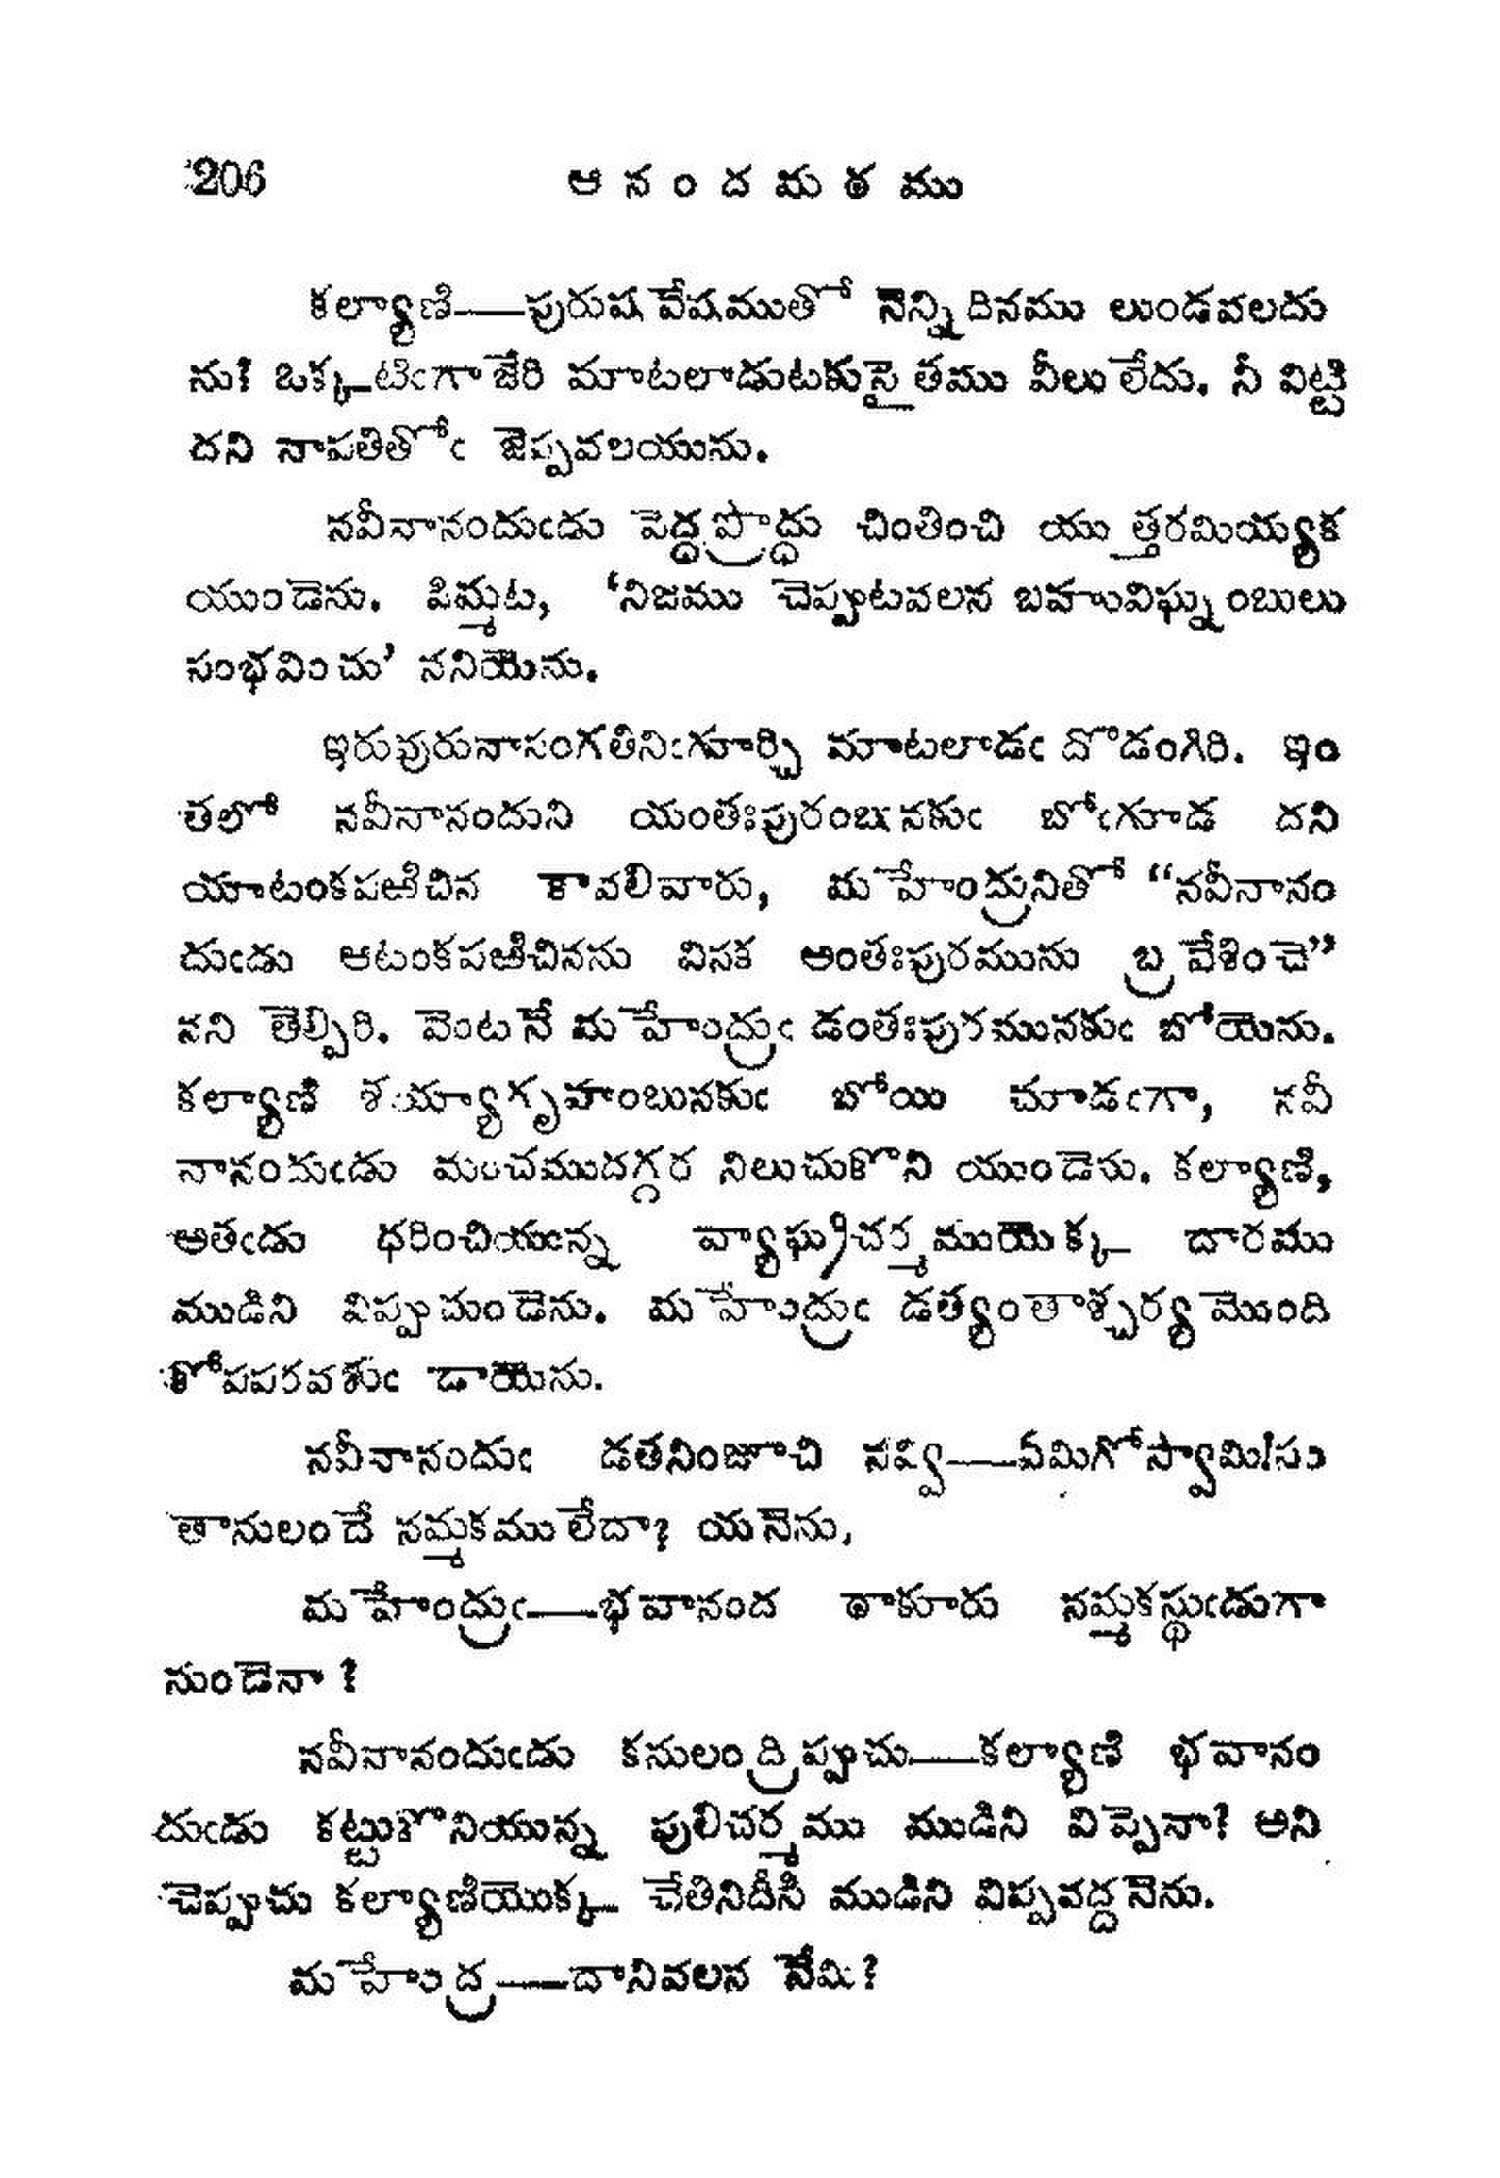కల్యాణి——పురుష వేషముతో నెన్ని దినము లుండవలదును? ఒక్కటిఁగా జేరి మాటలాడుటకుసైతము వీలు లేదు. నీవిట్టి
దని నాపతితోఁ జెప్పవలయును.

నవీనానందుఁడు పెద్ద ప్రొద్దు చింతించి యుత్తరమియ్యక యుండెను. పిమ్మట, 'నిజము చెప్పుటవలన బహువిఘ్నంబులు
సంభవించు' ననియెను.

ఇరువురు నా సంగతిని గూర్చి మాటలాడఁ దొడంగిరి. ఇంతలో నవీనానందుని యంతఃపురంబు నకుఁ బోఁగూడ దని
యాటంకపఱిచిన కావలివారు, మహేంద్రునితో "నవీనానందుఁడు ఆటంకపఱిచినను వినక అంతఃపురమును బ్రవేశించె"
నని తెల్పిరి. వెంటనే మహేంద్రుఁ డంతఃపురమునకుఁ బోయెను. కల్యాణి శయ్యాగృహంబునకుఁ బోయి చూడఁగా, నవీనానందుఁడు మంచముదగ్గర నిలుచుకొని యుండెను. కల్యాణి, అతఁడు ధరించి యున్న వ్యాఘ్రచర్మముయొక్క దారము ముడిని విప్పుచుండెను. మహేంద్రుఁ డత్యంతాశ్చర్య మొంది కోపపరవశుఁ 'డాయెను.

నవీనానందుఁ డతనింజూచి నవ్వి——ఏమిగోస్వామి!సంతానులందే నమ్మకము లేదా? యనెను.

మహేంద్రుఁ——భవానంద ఠాకూరు నమ్మకస్థుఁడుగా నుండేనా?

నవీనానందుఁడు కనులంద్రిప్పుచు—— కల్యాణి భవానందుఁడు కట్టుకొనియున్న పులిచర్మము ముడిని విప్పెనా? అని చెప్పుచు కల్యాణీ యొక్క చేతినిదీసి ముడిని విప్పవద్దనెను.

మహేంద్ర——దానివలన నేమి ?